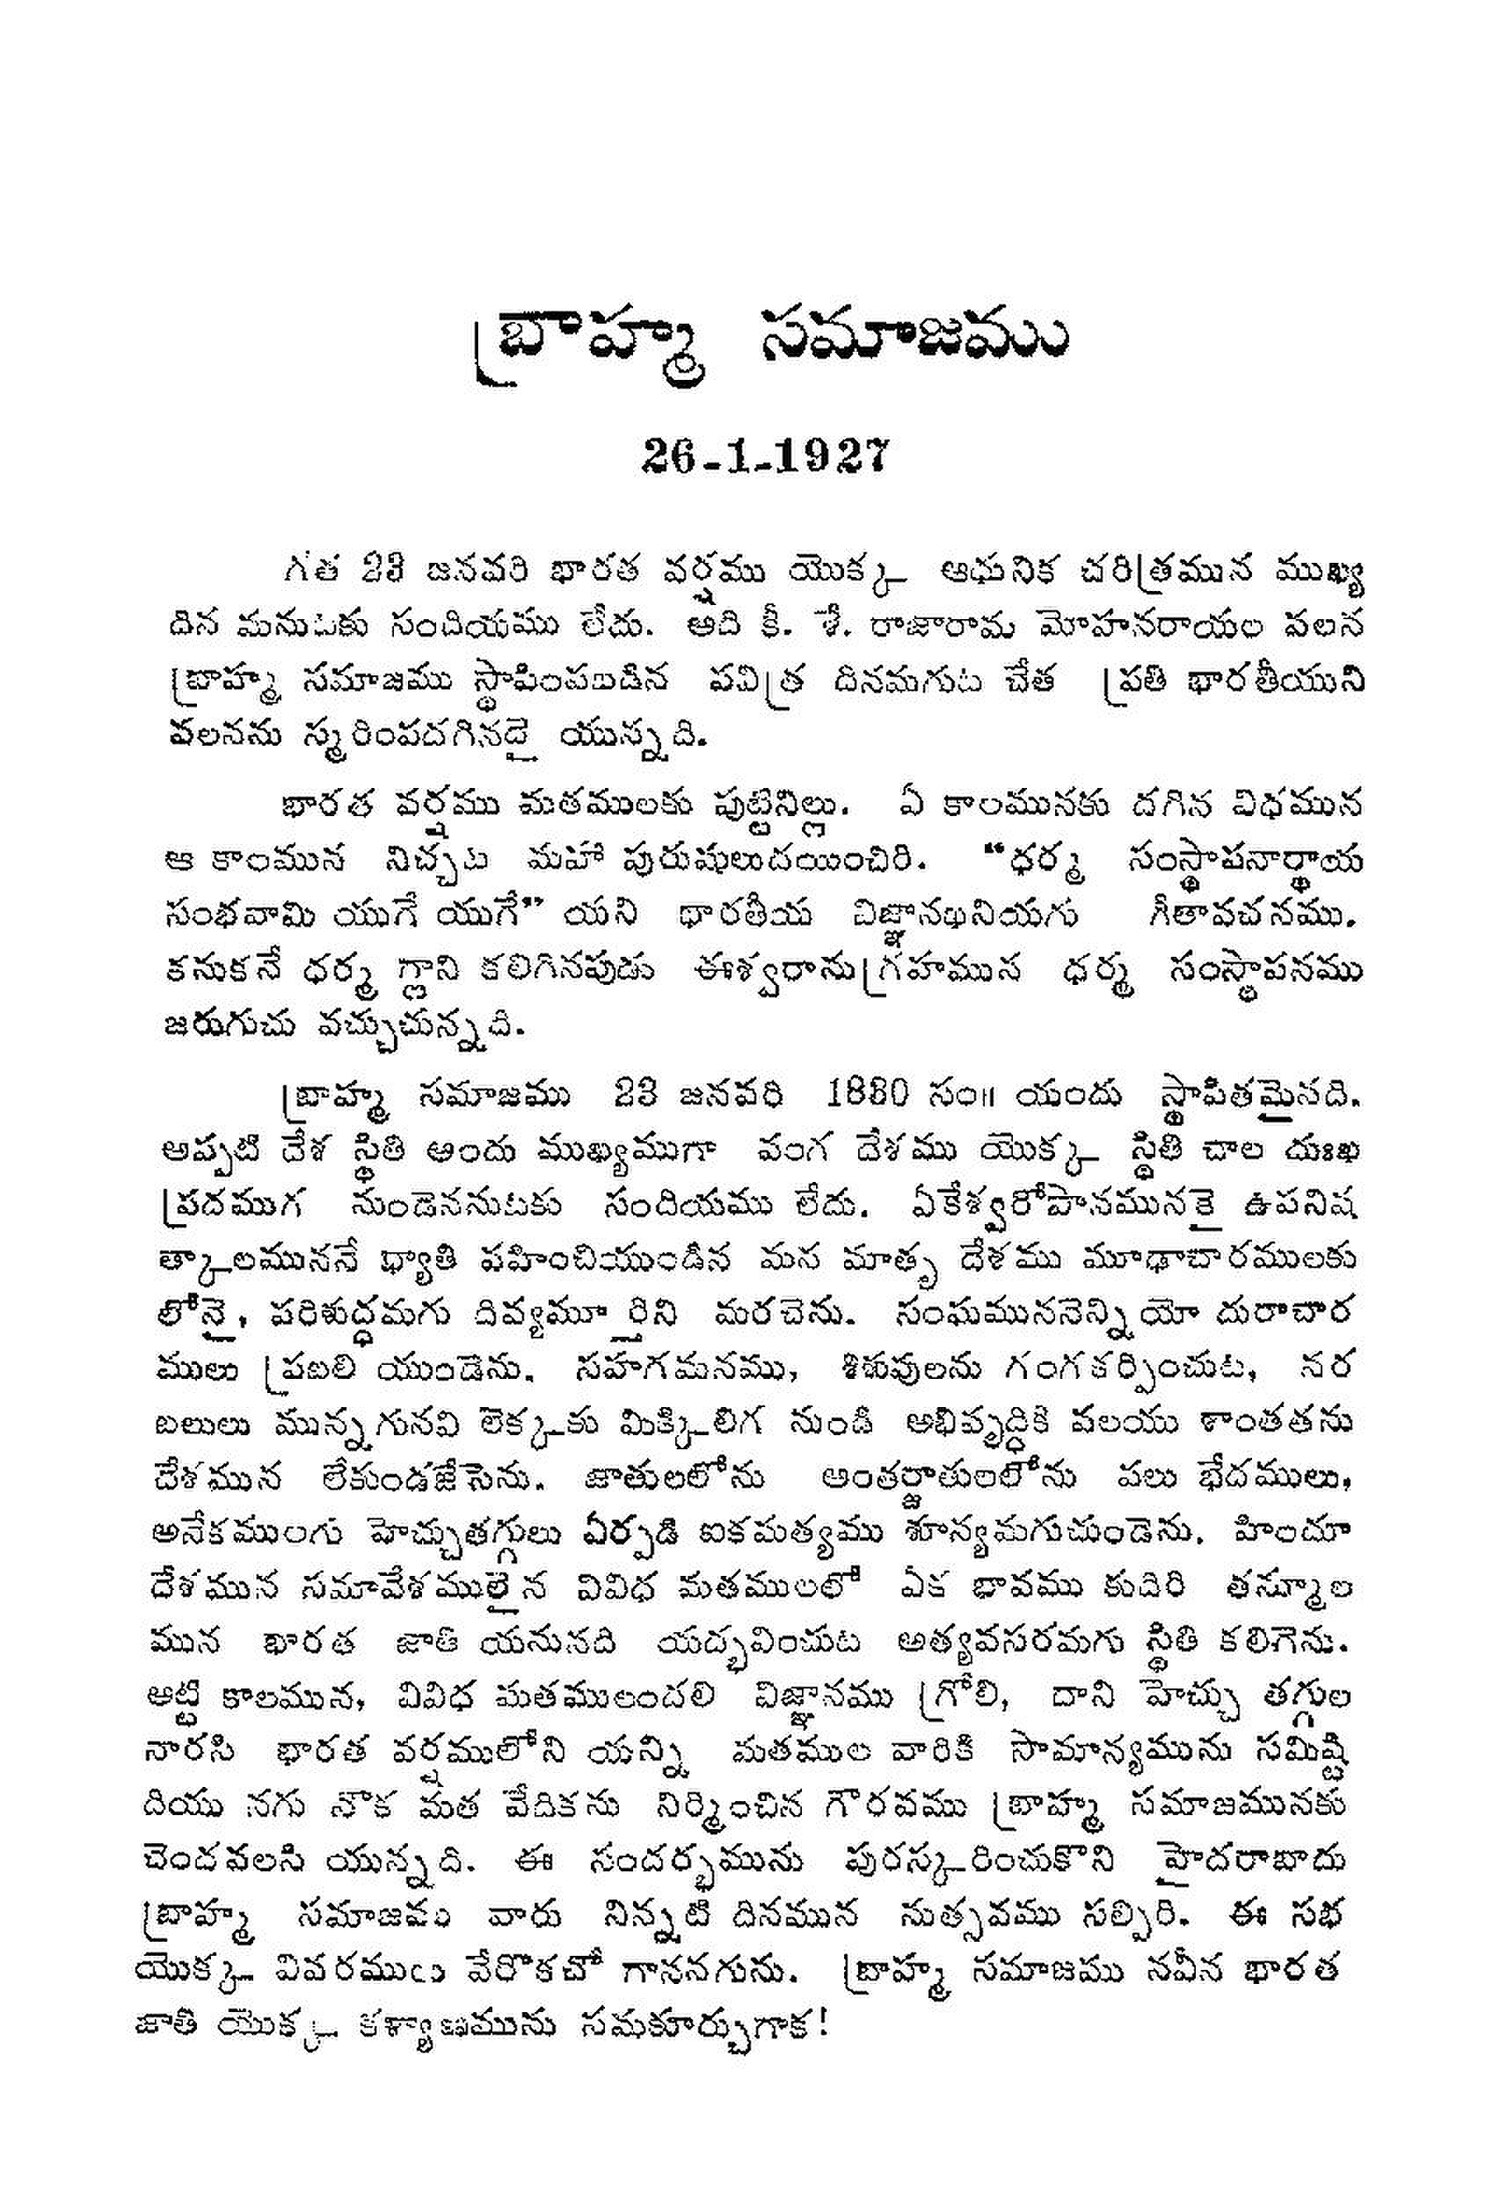బ్రాహ్మ సమాజము

26-1-1927

గత 23 జనవరి భారత వర్షము యొక్క ఆధునిక చరిత్రమున ముఖ్య దిన మనుటకు సందియము లేదు. అది కీ. శే. రాజారామ మోహనరాయల వలన బ్రాహ్మ సమాజము స్థాపింపబడిన పవిత్ర దినమగుట చేత ప్రతి భారతీయుని
వలనను స్మరింపదగినదై యున్నది.

భారత వర్షము మతములకు పుట్టినిల్లు. ఏ కాలమునకు దగిన విధమున ఆ కాలమున నిచ్చట మహా పురుషులుదయించిరి. "ధర్మ సంస్థాపనార్థాయ సంభవామి యుగే యుగే” యని భారతీయ విజ్ఞానఖనియగు గీతావచనము. కనుకనే ధర్మ గ్లాని కలిగినపుడు ఈశ్వరానుగ్రహమున ధర్మ సంస్థాపనము జరుగుచు వచ్చుచున్నది.

బ్రాహ్మ సమాజము 23 జనవరి 1830 సం॥ యందు స్థాపితమైనది. అప్పటి దేశ స్థితి అందు ముఖ్యముగా వంగ దేశము యొక్క స్థితి చాల దుఃఖప్రదముగ నుండెననుటకు సందియము లేదు. ఏకేశ్వరోపానమునకై ఉపనిషత్కాలముననే ఖ్యాతి వహించియుండిన మన మాతృ దేశము మూఢాచారములకు లోనై, పరిశుద్ధమగు దివ్యమూర్తిని మరచెను. సంఘముననెన్నియో దురాచారములు ప్రబలి యుండెను. సహగమనము, శిశువులను గంగకర్పించుట, నరబలులు మున్నగునవి లెక్కకు మిక్కిలిగ నుండి అభివృద్ధికి వలయు శాంతతను దేశమున లేకుండజేసెను. జాతులలోను అంతర్జాతులలోను పలు భేదములు, అనేకములగు హెచ్చుతగ్గులు ఏర్పడి ఐకమత్యము శూన్యమగుచుండెను. హిందూదేశమున సమావేశములైన వివిధ మతములలో ఏక భావము కుదిరి తన్మూలమున భారత జాతి యనునది యుద్భవించుట అత్యవసరమగు స్థితి కలిగెను. అట్టి కాలమున, వివిధ మతములందలి విజ్ఞానము గ్రోలి, దాని హెచ్చు తగ్గుల నారసి భారత వర్షములోని యన్ని మతముల వారికి సామాన్యమును సమిష్టిదియు నగు నొక మత వేదికను నిర్మించిన గౌరవము బ్రాహ్మ సమాజమునకు చెందవలసి యున్నది. ఈ సందర్భమును పురస్కరించుకొని హైదరాబాదు బ్రాహ్మ సమాజము వారు నిన్నటి దినమున నుత్సవము సల్పిరి. ఈ సభ యొక్క వివరములు వేరొకచో గాననగును. బ్రాహ్మ సమాజము నవీన భారత జాతి యొక్క కళ్యాణమును సమకూర్చుగాక !